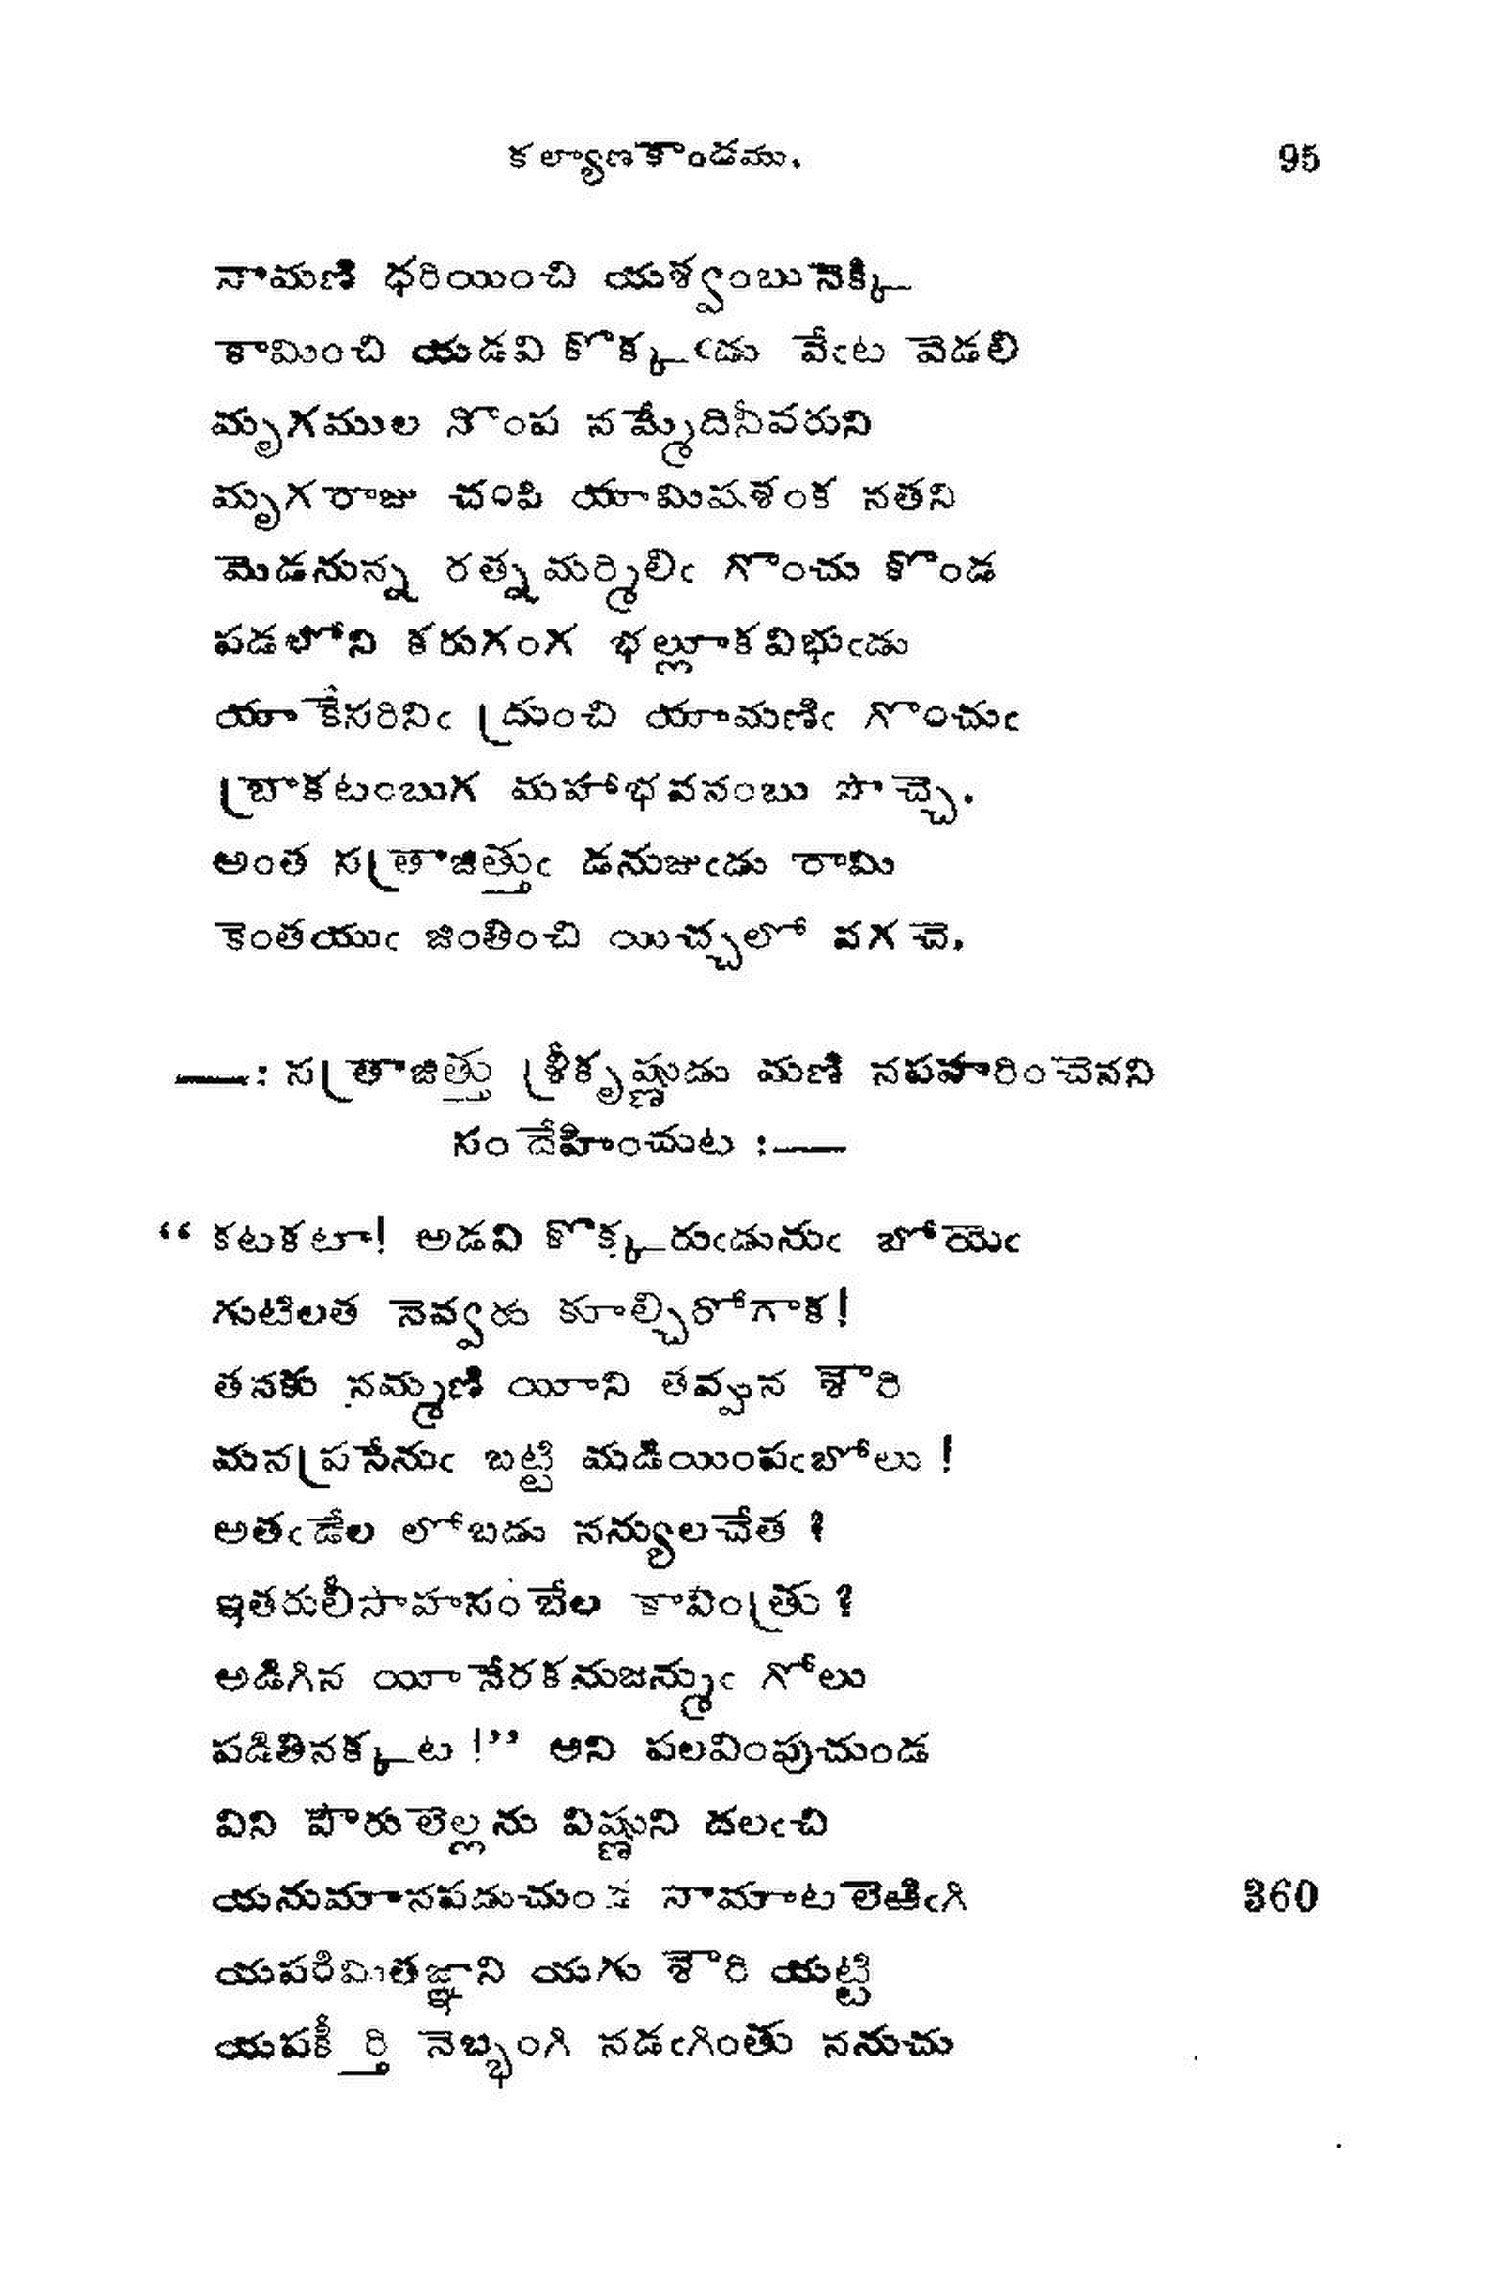నామణి ధరియించి యశ్వంబు నెక్కి
కామించి యడవి కొక్కఁడు వేఁట వెడలి
మృగముల నొంప నమ్మేదినీవరుని
మృగరాజు చంపి యామిషశంక నతని
మెడనున్న రత్న మర్మిలిఁ గొంచు కొండ
పడలోని కరుగంగ భల్లూకవిభుఁడు
యా కేసరినిఁ ద్రుంచి యామణిఁ గొంచుఁ
బ్రాకటంబుగ మహాభవనంబు సొచ్చె.
అంత సత్రాజిత్తుఁ డనుజుఁడు రామి
కెంతయుఁ జింతించి యిచ్చలో వగచె.

“కటకటా! అడవి కొక్కరుఁడునుఁ బోయెఁ
గుటిలత నెవ్వరు కూల్చిరోగాక!
తనకు నమ్మణి యీని తప్పున శౌరి
మనప్రసేనుఁ బట్టి మడియింపఁబోలు!
అతఁడేల లోబడు నన్యులచేత?
ఇతరులీసాహసం బేల కావింత్రు?
అడిగిన యీ నేరకనుజన్ముఁ గోలు
పడితినక్కట!" అని పలవింపుచుండ
విని పౌరులెల్లను విష్ణుని దలఁచి
యనుమానపడుచుండ నామాట లెఱిఁగి
యపరిమితజ్ఞాని యగు శౌరి యట్టి
యపకీర్తి నెబ్భంగి నడఁగింతు ననుచు